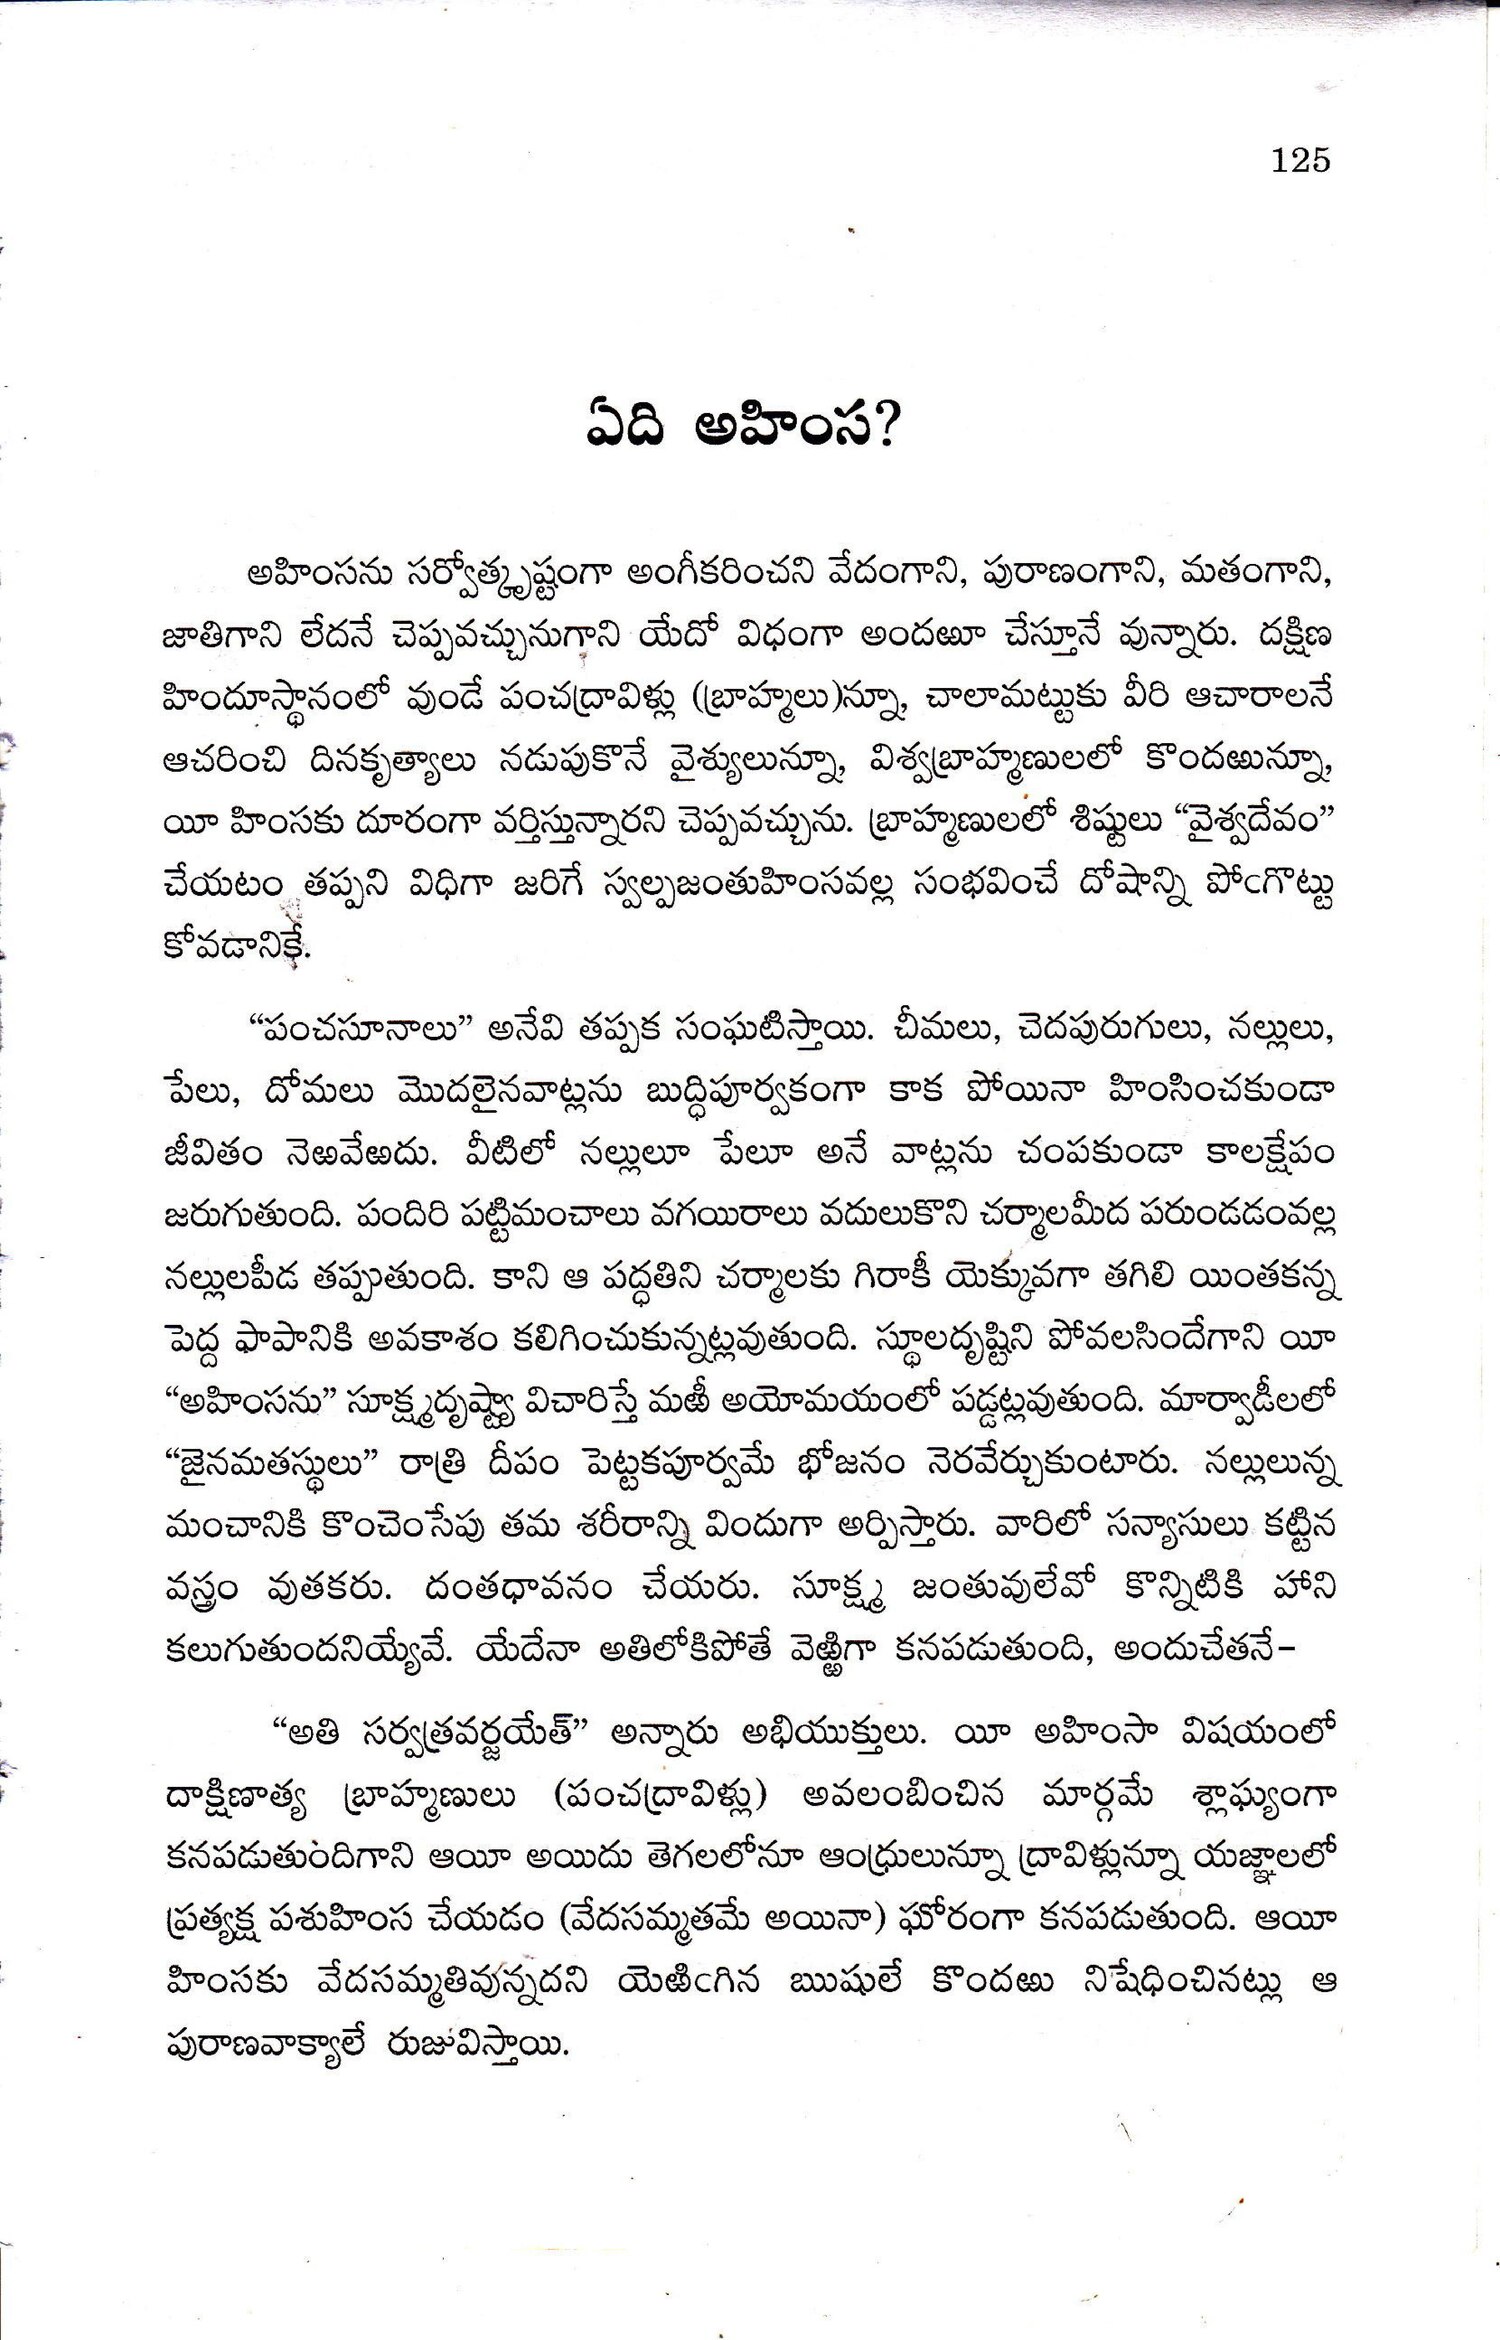అహింసను సర్వోత్కృష్టంగా అంగీకరించని వేదంగాని, పురాణంగాని, మతంగాని, జాతిగాని లేదనే చెప్పవచ్చునుగాని యేదో విధంగా అందఱూ చేస్తూనే వున్నారు. దక్షిణ హిందూస్థానంలో వుండే పంచద్రావిళ్లు (బ్రాహ్మలు)న్నూ చాలామట్టుకు వీరి ఆచారాలనే ఆచరించి దినకృత్యాలు నడుపుకొనే వైశ్యులున్నూ, విశ్వబ్రాహ్మణులలో కొందఱున్నూ, యీ హింసకు దూరంగా వర్తిస్తున్నారని చెప్పవచ్చును. బ్రాహ్మణులలో శిష్ణులు "వైశ్వదేవం” చేయటం తప్పని విధిగా జరిగే స్వల్పజంతుహింసవల్ల సంభవించే దోషాన్ని పోఁగొట్టు కోవడానికే.

"పంచసూనాలు" అనేవి తప్పక సంఘటిస్తాయి. చీమలు, చెదపురుగులు, నల్లులు, పేలు, దోమలు మొదలైనవాట్లను బుద్ధిపూర్వకంగా కాక పోయినా హింసించకుండా జీవితం నెఱవేఱదు. వీటిలో నల్లులూ పేలూ అనే వాట్లను చంపకుండా కాలక్షేపం జరుగుతుంది. పందిరి పట్టిమంచాలు వగయిరాలు వదులుకొని చర్మాలమీద పరుండడంవల్ల నల్లులపీడ తప్పుతుంది. కాని ఆ పద్ధతిని చర్మాలకు గిరాకీ యొక్కువగా తగిలి యింతకన్న పెద్ద పాపానికి అవకాశం కలిగించుకున్నట్లవుతుంది. సూలదృష్టిని పోవలసిందేగాని యీ "అహింసను" సూక్ష్మదృష్ట్యా విచారిస్తే మటీ అయోమయంలో పడ్డట్లవుతుంది. మార్వాడీలలో "జైనమతస్థులు" రాత్రి దీపం పెట్టకపూర్వమే భోజనం నెరవేర్చుకుంటారు. నల్లులున్న మంచానికి కొంచెంసేపు తమ శరీరాన్ని విందుగా అర్పిస్తారు. వారిలో సన్యాసులు కట్టిన వస్త్రం వుతకరు. దంతధావనం చేయరు. సూక్ష్మ జంతువులేవో కొన్నిటికి హాని కలుగుతుందనియ్యేవే. యేదేనా అతిలోకిపోతే వెట్టిగా కనపడుతుంది, అందుచేతనే

"అతి సర్వత్రవర్ణయేత్" అన్నారు అభియుక్తులు. యీ అహింసా విషయంలో దాక్షిణాత్య బ్రాహ్మణులు (పంచద్రావిళ్లు) అవలంబించిన మార్గమే శాఘ్యంగా కనపడుతుందిగాని ఆయీ అయిదు తెగలలోనూ ఆంధ్రులున్నూ ద్రావిళ్లున్నూ యజ్ఞాలలో ప్రత్యక్ష పశుహింస చేయడం (వేదసమ్మతమే అయినా) ఘనోరంగా కనపడుతుంది. ఆయీ హింసకు వేదసమ్మతివున్నదని యెఱిఁగిన ఋషులే కొందఱు నిషేధించినట్లు ఆ పురాణవాక్యాలే రుజువిస్తాయి.